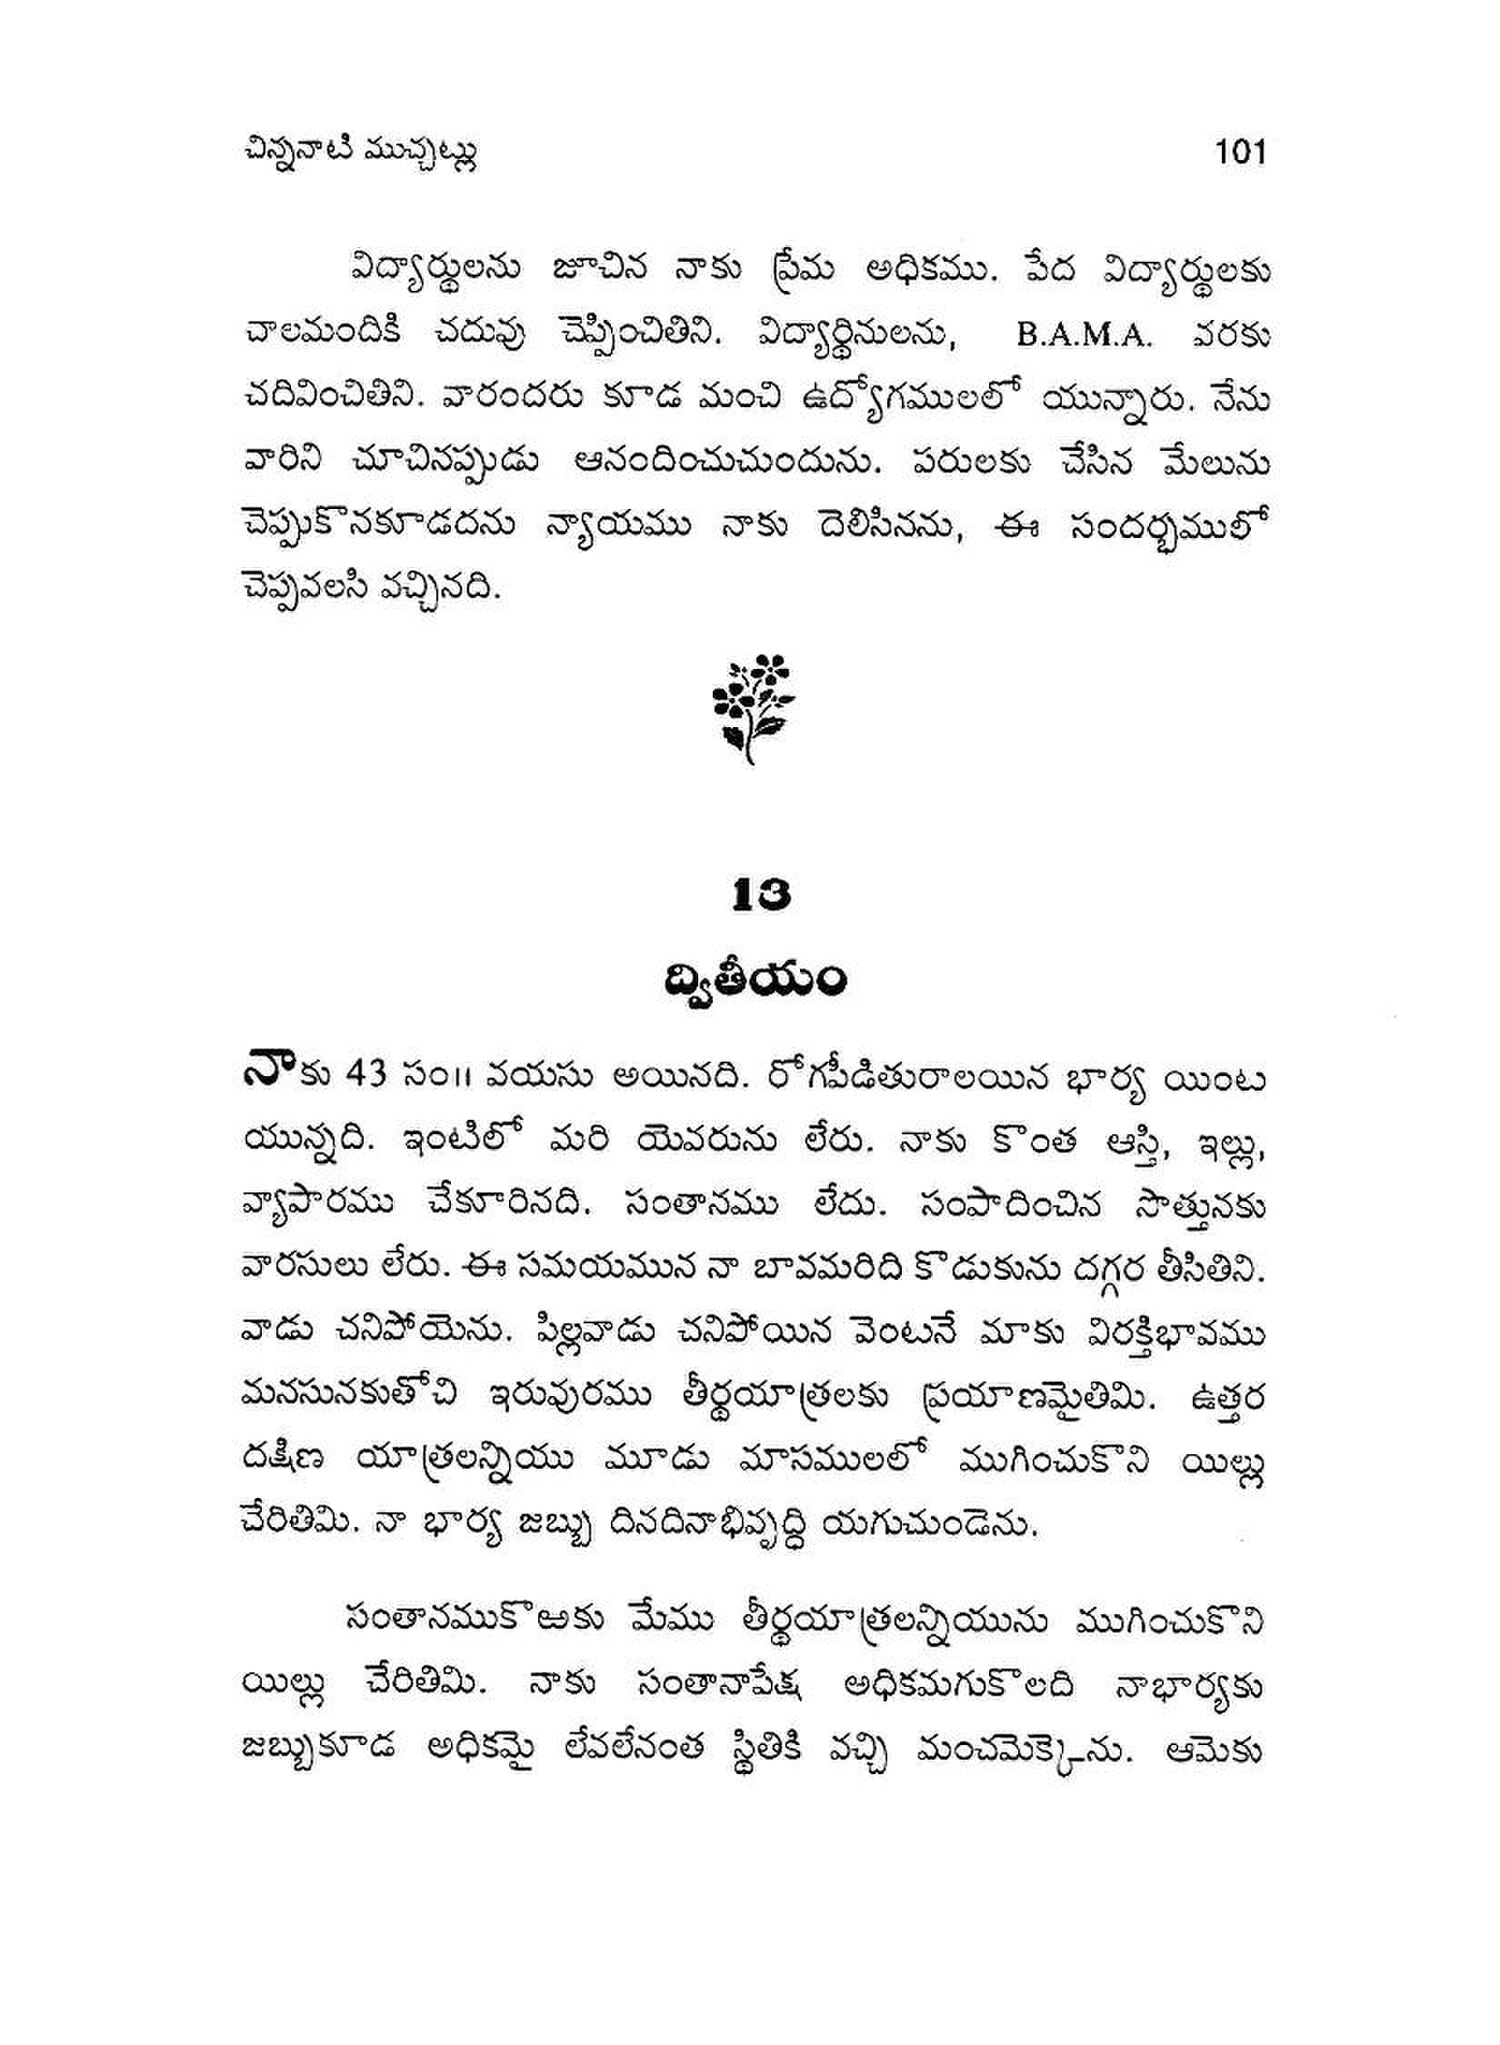విద్యార్థులను జూచిన నాకు ప్రేమ అధికము. పేద విద్యార్థులకు చాలమందికి చదువు చెప్పించితిని. విద్యార్థినులను, B.A.M.A. వరకు చదివించితిని. వారందరు కూడ మంచి ఉద్యోగములలో యున్నారు. నేను వారిని చూచినప్పుడు ఆనందించుచుందును. పరులకు చేసిన మేలును చెప్పుకొనకూడదను న్యాయము నాకు దెలిసినను, ఈ సందర్భములో చెప్పవలసి వచ్చినది.

నాకు 43 సం|| వయసు అయినది. రోగపీడితురాలయిన భార్య యింట యున్నది. ఇంటిలో మరి యెవరును లేరు. నాకు కొంత ఆస్తి, ఇల్లు, వ్యాపారము చేకూరినది. సంతానము లేదు. సంపాదించిన సొత్తునకు వారసులు లేరు. ఈ సమయమున నా బావమరిది కొడుకును దగ్గర తీసితిని. వాడు చనిపోయెను. పిల్లవాడు చనిపోయిన వెంటనే మాకు విరక్తిభావము మనసునకుతోచి ఇరువురము తీర్థయాత్రలకు ప్రయాణమైతిమి. ఉత్తర దక్షిణ యాత్రలన్నియు మూడు మాసములలో ముగించుకొని యిల్లు చేరితిమి. నా భార్య జబ్బు దినదినాభివృద్ధి యగుచుండెను.

సంతానముకొఱకు మేము తీర్థయాత్రలన్నియును ముగించుకొని యిల్లు చేరితిమి. నాకు సంతానాపేక్ష అధికమగుకొలది నా భార్యకు జబ్బు కూడ అధికమై లేవలేనంత స్థితికి వచ్చి మంచమెక్కెను. ఆమెకు